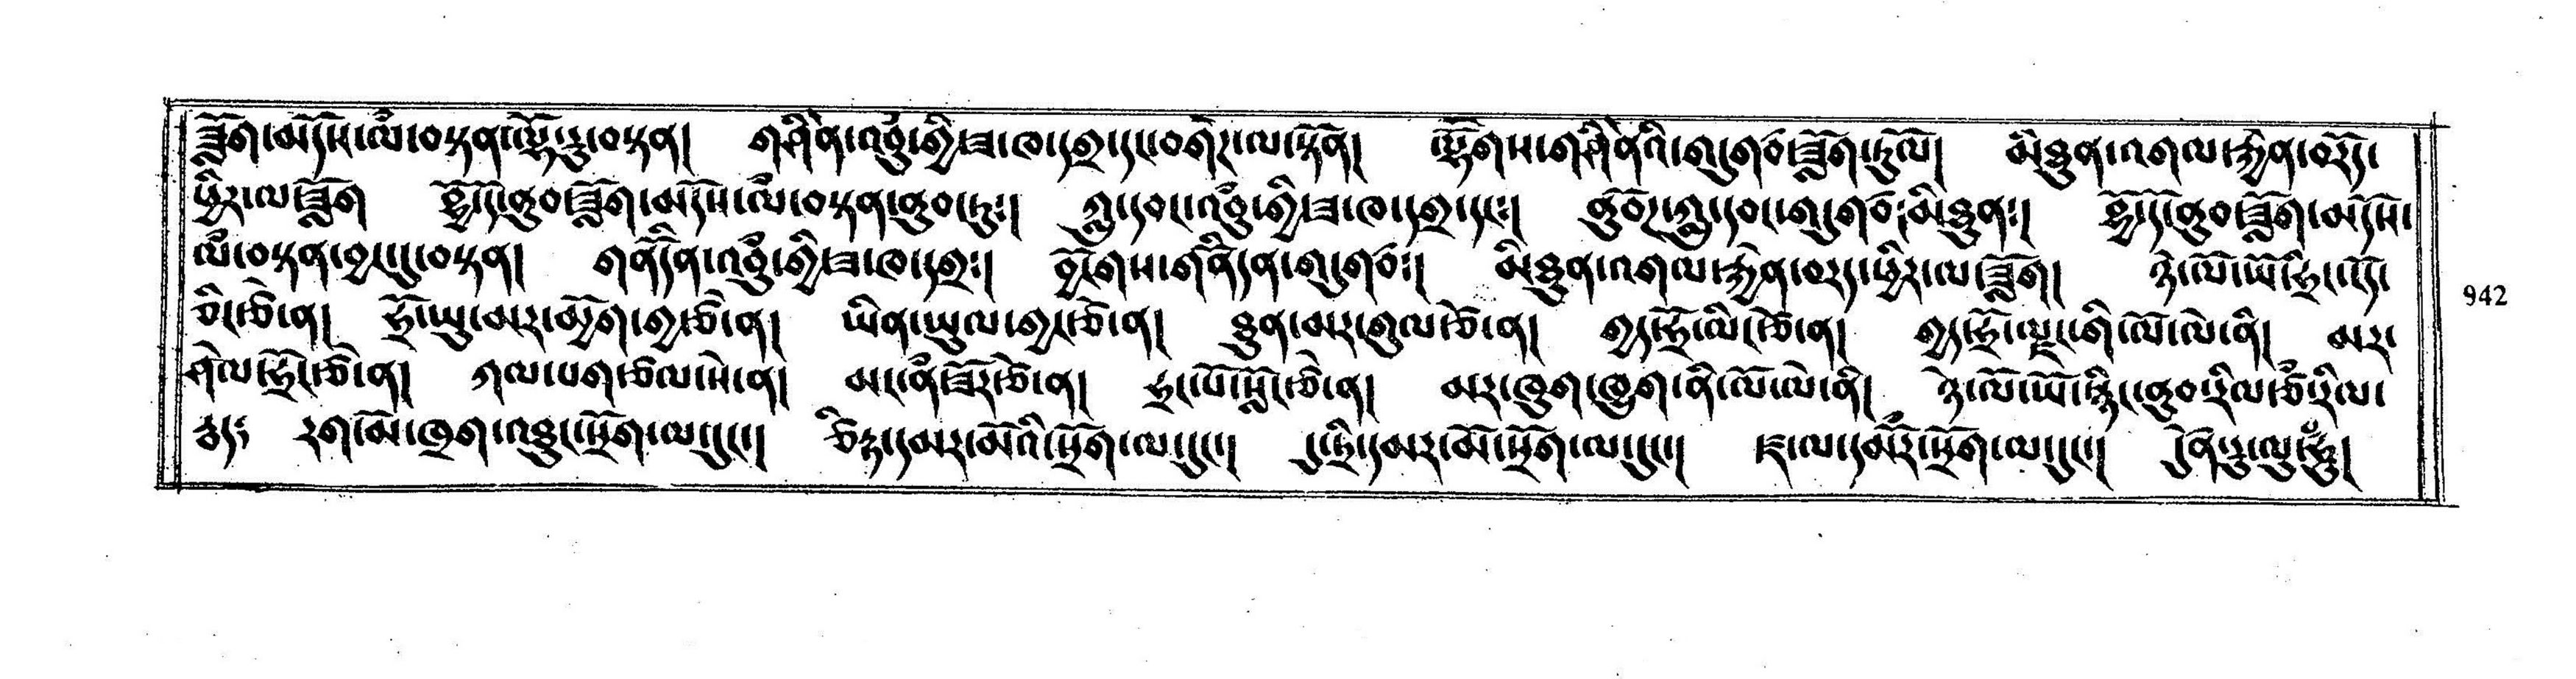ཟློག་མདོས་ལམ་བསྟན་ལྷོ་རུ་བསྟན། གཤིན་རྗེ་འབུམ་གྱི་ཟ་ཁ་དགྲ་དང་བགེགས་ལ་སྟོན། ལྷོ་ཚོགས་གཤིན་རྗེའི་གདུག་རྩུབ་ཟློག་ཏུ་གསོལ། མི་མཐུན་འགལ་རྐྱེན་བར་ཆོད་
ཕྱིར་ལ་ཟློག བྷྱོ་དོ་ནུབ་ཟློག་མདོས་ལམ་བསྟན་ནུབ་ཏུ༴། ཀླུ་དབང་འབུམ་གྱི་ཟ་ཁ་དགྲ་དང་༴། ནུབ་ཕྱོགས་ཀླུ་དབང་གདུག་རྩུབ་མི་མཐུན༴། བྷྱོ་དོ་ནུབ་ཟློག་མདོས་
ལམ་བསྟན་བྱང་དུ་བསྟན། གནོད་སྦྱིན་འབུམ་གྱི་ཟ་ཁ་དགྲ༴། བྱང་ཕྱོགས་གནོད་སྦྱིན་གདུག་རྩུབ༴། མི་མཐུན་འགལ་རྐྱེན་བར་ཆད་ཕྱིར་ལ་ཟློག ཉེ་ལོ་ཡོ་ཧྲིང་ངོད་
ཅིང་ཙེ་ན། ཧྲོ་ཡུ་མར་མྱོག་གྱ་ཙེ་ན། ཡིན་ཡུལ་གྱང་ཙེ་ན། ཐུན་མར་གུལ་ཙེ་ན། གྱད་ཧྲོ་ལིང་ཙེ་ན། གྱད་ཧྲོ་ལྗང་གི་ལོ་ལེ་ནི། མར་
ཤེལ་ཧྲོང་ཙེ་ན།་ཀལ་པག་ཙལ་སེ་ན། མང་ནམ་ཟོར་ཙེ་ན། ཧྲང་པོ་སློང་ཙེ་ན། མར་ཁུག་ཁྱུག་ནི་ལོ་ལེ་ནི། ཉེ་ལོ་ཡོ་སྙིང་ནུབ་རིལ་ཙམ་རིལ་
རྦད། རག་མོ་ཁྲག་འཐུང་སྲོག་ལ་དུང་། ཙིཏྟ་དམར་མོའི་སྲོག་ལ་དུང་། དུ་ཏྲི་དམར་མོ་སྲོག་ལ་དུང་། ཛ་ལ་དམར་མོ་སྲོག་ལ་དུང་། དུན་ཙེ་རུ་ལུ་ཧཱུྃ།